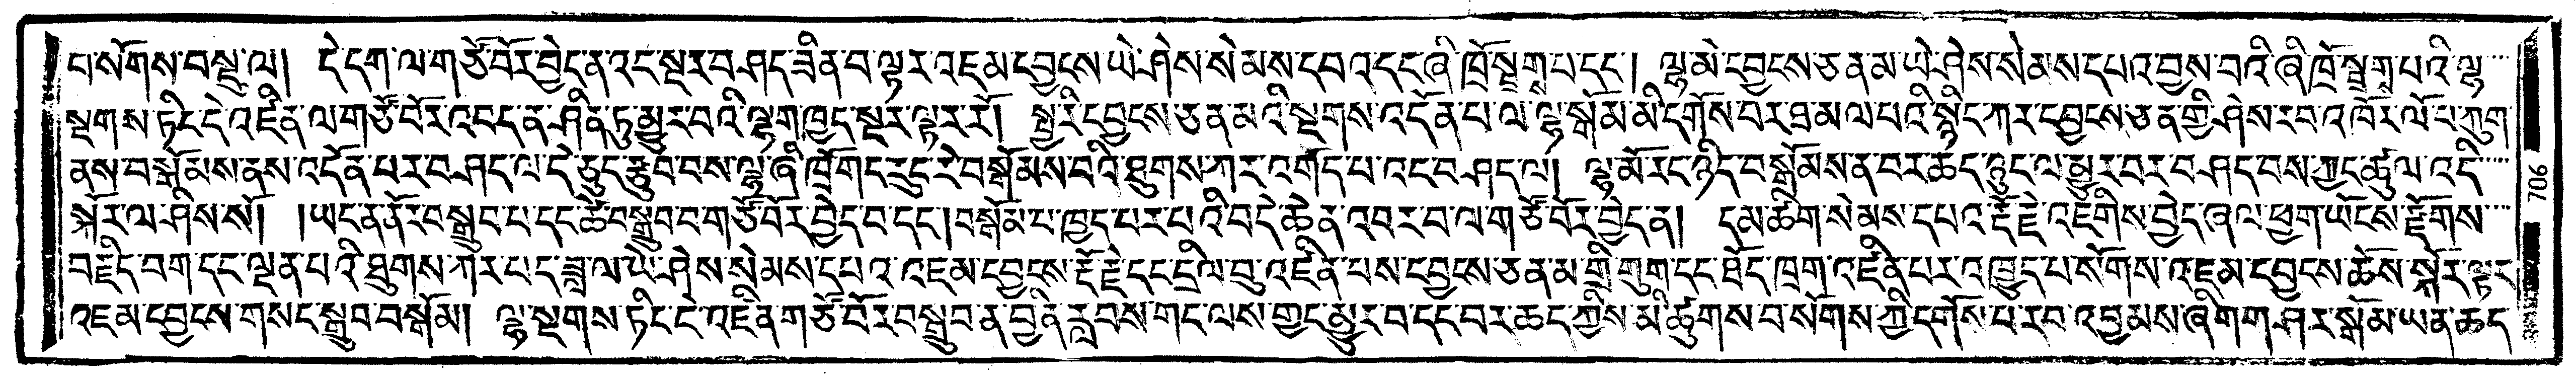པ་སོགས་བསྡུ་ལ། དེ་དག་ལ་གཙོ་བོར་བྱེད་ནའང་སྔར་བཤད་ཟིན་བ་ལྟར་འཇམ་དབྱངས་ཡེ་ཤེས་སེམས་དཔའ་དང་ཞི་ཁྲོ་སྦྲགས་པ་དང་། ལྷ་མེ་དབྱངས་ཅན་མ་ཡེ་ཤེས་སེམས་དཔའ་བྱས་པའི་ཞི་ཁྲོ་སྦྲགས་པའི་ལྷ་
སྔགས་ཏིང་ངེ་འཛིན་ལ་གཙོ་བོར་འབད་ན་ཤིན་ཏུ་མྱུར་བའི་ལྷག་ཁྱད་སྔར་ལྟར་རོ། སྤྱིར་དབྱངས་ཅན་མའི་སྔགས་འདོན་པ་ལ་ལྷ་སྒོམ་མི་དགོས་པར་ཐ་མལ་པའི་སྙིང་ཀར་དབྱངས་ཅན་གྱི་ཤེས་རབ་འཁོར་ལོ་པ་ཀུག་
ནས་བསྒོམས་ནས་འདོན་པར་བཤད་ལ་དེ་ཅུང་རྩུབ་བས་ལྷ་ཞི་ཁྲོ་གང་རུང་རེ་བསྒོམས་པའི་ཐུགས་ཀར་འགོད་པ་འང་བཤད་ལ། ལྷ་མོ་རང་ཉིད་བསྒོམས་ན་བར་ཆད་ཉུང་ལ་མྱུར་བར་བཤད་བས་ཀྱང་ཚུལ་འདི་
སྐོར་ལ་ཤིས་སོ། །ཡང་ན་ནོར་བསྒྲུབ་པ་དང་ཚེ་བསྒྲུབ་པ་གཙོ་བོར་བྱེད་པ་དང་། བསྒོམ་པ་ཁྱད་པར་པའི་བདེ་ཆེན་འབར་བ་ལ་གཙོ་བོར་བྱེད་ན། དམ་ཚིག་སེམས་དཔའ་རྡོ་རྗེ་འཇིགས་བྱེད་ཞལ་ཕྱག་ཡོངས་རྫོགས་
བརྗིད་བག་དང་ལྡན་པའི་ཐུགས་ཀར་པད་ཟླ་ལ་ཡེ་ཤེས་སེམས་དཔའ་འཇམ་དབྱངས་རྡོ་རྗེ་དང་དྲིལ་བུ་འཛིན་པས་དབྱངས་ཅན་མ་གྲི་གུག་དང་ཐོད་ཁྲག་འཛིན་པར་འཁྱུད་པ་སོགས་འཇམ་དབྱངས་ཆོས་སྐོར་ལྟར་
འཇམ་དབྱངས་གསང་སྒྲུབ་བསྒོམ། ལྷ་སྔགས་ཏིང་ངེ་འཛིན་གཙོ་བོར་བསྒྲུབ་ན་བྱིན་རླབས་གང་ལས་གྱང་མྱུར་བ་དང་བར་ཆད་ཀྱིས་མི་ཚུགས་པ་སོགས་ཀྱི་དགོས་པ་རབ་འབྱམས་ཞིག་གཤར་སྒོམ་ཡན་ཆད་